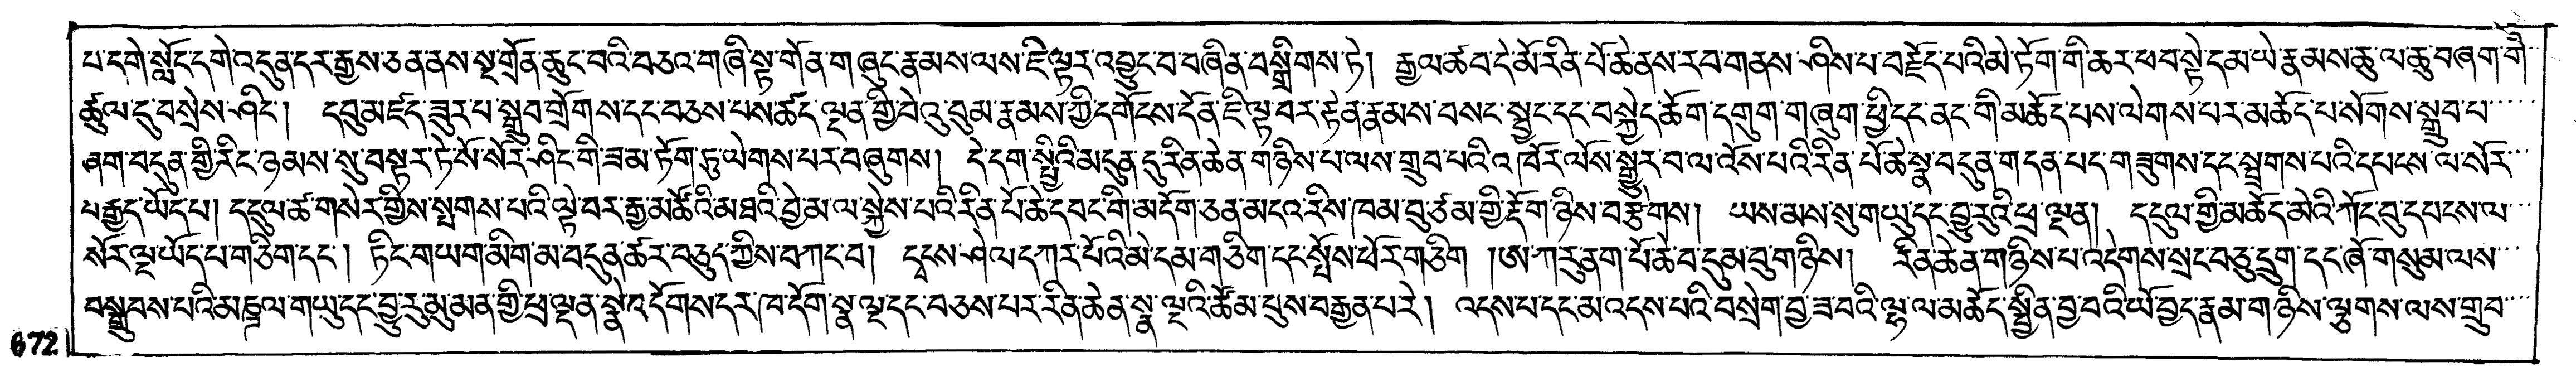པ་དགེ་སློང་དགེ་འདུན་དར་རྒྱས་ཅན་ནས་སྔ་གྲོན་ཆུང་པའི་བཅའ་གཞི་སྟ་གོན་གཞུང་རྣམས་ལས་ཇི་ལྟར་འབྱུང་བ་བཞིན་བསྒྲིགས་ཏེ། རྒྱལ་ཚབ་དེ་མོ་རིན་པོ་ཆེ་ནས་རབ་གནས་ཤིས་པ་བརྗོད་པའི་མེ་ཏོག་གི་ཆར་ཕབ་སྟེ་དམ་ཡེ་རྣམས་ཆུ་ལ་ཆུ་བཞག་གི་
ཚུལ་དུ་བསྲེས་ཤིང་། དབུ་མཛད་ཟུར་པ་སྒྲུབ་གྲོགས་དང་བཅས་པས་ཚད་ལྡན་གྱི་བེའུ་བུམ་རྣམས་ཀྱི་དགོངས་དོན་ཇི་ལྟ་བར་རྟེན་རྣམས་བསང་སྦྱང་དང་བསྐྱེད་ཆོག་དགུག་གཞུག་ཕྱི་དང་ནང་གི་མཆོད་པས་ལེགས་པར་མཆོད་པ་སོགས་སྒྲུབ་པ་
ཞག་བདུན་གྱི་རིང་ཉམས་སུ་བསྟར་ཏེ་སོ་སོར་ཤིང་གི་ཟ་མ་ཏོག་ཏུ་ལེགས་པར་བཞུགས། དེ་དག་སྤྱིའི་མདུན་དུ་རིན་ཆེན་གཉིས་པ་ལས་གྲུབ་པའི་འཁོར་ལོས་སྒྱུར་བ་ལ་འོས་པའི་རིན་པོ་ཆེ་སྣ་བདུན་གདན་པད་གཟུགས་དང་སྦྲགས་པའི་དཔངས་ལ་སོར་
བརྒྱད་ཡོད་པ། དངུལ་ཚ་གསེར་གྱིས་སྦགས་པའི་ལྟེ་བར་རྒྱ་མཚོའི་མཐའི་བྱེ་མ་ལ་སྐྱེས་པའི་རིན་པོ་ཆེ་དབང་གི་མདོག་ཅན་མངའ་རིས་ཁམ་བུ་ཙམ་གྱི་རྡོག་ཉིས་བརྩེགས། ཡས་མས་སུ་གཡུ་དང་བྱུ་རུའི་ཕྲ་ལྡན། དངུལ་གྱི་མཆོད་མེའི་ཀོང་བུ་དཔངས་ལ་
སོར་ལྔ་ཡོད་པ་གཅིག་དང་། ཏིང་གཡག་མིག་མ་བདུན་ཚར་བཅུད་ཀྱིས་བཀང་བ། དྭངས་ཤེལ་དཀར་པོའི་མེ་དམ་གཅིག་དང་སྤོས་ཕོར་གཅིག །ཨ་ཀ་རུ་ནག་པོ་ཆེ་བ་དུམ་བུ་གཉིས། རིན་ཆེན་གཉིས་པ་འདེགས་སྲང་བཅུ་དྲུག་དང་ཞོ་གསུམ་ལས་
བསྒྲུབས་པའི་མཎྜལ་གཡུ་དང་བྱུ་རུ་མུ་མན་གྱི་ཕྲ་ལྡན་སྣ་འདོགས་དར་ཁ་དོག་སྣ་ལྔ་དང་བཅས་བར་རིན་ཆེན་སྣ་ལྔའི་ཚོམ་བུས་བརྒྱན་པ་རེ། འདས་པ་དང་མ་འདས་པའི་བསྲེག་བྱ་ཟ་བའི་ལྷ་ལ་མཆོད་སྦྱིན་བྱ་བའི་ཡོ་བྱད་རྣམ་གཉིས་ལྕགས་ལས་གྲུབ་